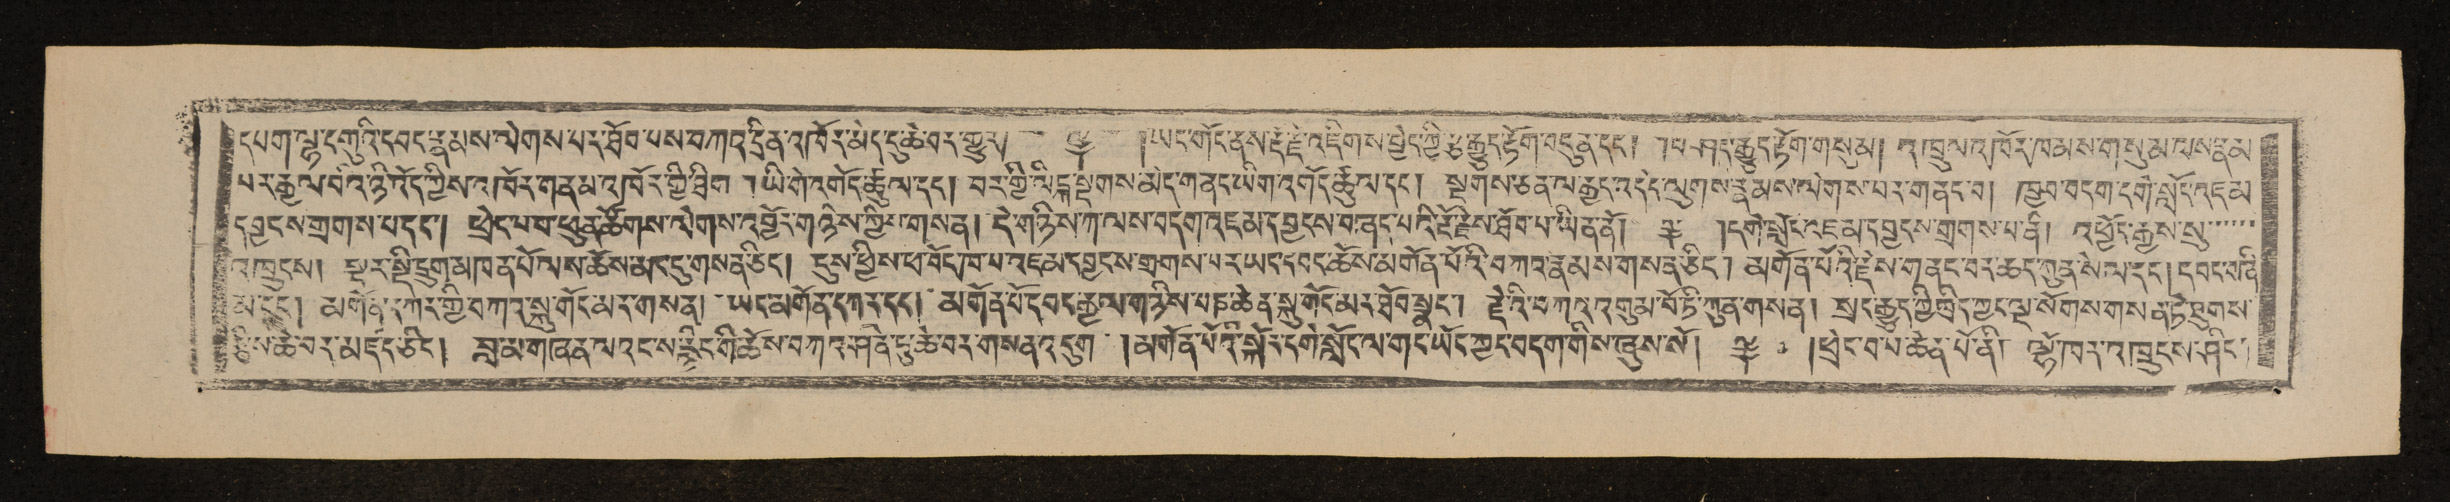དཔག་ལྟ་དགུའི་དབང་རྣམས་ལེགས་པར་ཐོབ་པས་བཀའ་དྲིན་འཁོར་མེད་དུ་ཆེ་བར་གྱུར། ༈ །ཡང་གོང་ནས་རྡོ་རྗེ་འཇིགས་བྱེད་ཀྱི་རྩ་རྒྱུད་རྟོག་བདུན་དང་། བཤད་རྒྱུད་རྟོག་གསུམ། འཁྲུལ་འཁོར་ཁམས་གསུམ་ལས་རྣམ་
པར་རྒྱལ་པའི་ཉི་འོད་ཀྱིས་འཁོར་གནམ་འཁོར་གྱི་ཐིག །ཡི་གེ་འགོད་ཚུལ་དང་། བར་ཀྱི་ལིངྐ་སྔགས་མེད་གནད་ཡིག་འགོད་ཚུལ་དང་། སྔགས་ཅན་ལ་རྐྱང་འདེད་ལུགས་རྣམས་ལེགས་པར་གནང་བ། ཁྱབ་བདག་དགེ་སློང་འཇམ་
དབྱངས་གྲགས་པ་དང་། ཕྲེང་པ་བ་ཕུན་ཚོགས་ལེགས་འབྱོར་གཉིས་ཀྱིས་གསན། དེ་གཉིས་ཀ་ལས་བདག་འཇམ་དབྱངས་བཞད་པའི་རྡོ་རྗེས་ཐོབ་པ་ཡིན་ནོ། ༈ །དགེ་སློང་འཇམ་དབྱངས་གྲགས་པ་ནི། འཕྱོང་རྒྱས་སུ་
འཁྲུངས། སྔར་སྡེ་དྲུག་མཁན་པོ་ལས་ཆོས་མང་དུ་གསན་ཅིང་། དུས་ཕྱིས་ཕ་བོང་ཁ་པ་འཇམ་དབྱངས་གྲགས་པར་ཡང་དབང་ཆོས་མགོན་པོའི་བཀའ་རྣམས་གསན་ཅིང་། མགོན་པོའི་རྗེས་གནང་བར་ཆད་ཀུན་སེལ་དང་། དབང་བཞི་
མ་དང་། མགོན་དཀར་གྱི་བཀའ་སྐུ་གོང་མར་གསན། ཡང་མགོན་དཀར་དང་། མགོན་པོ་དབང་རྒྱལ་གཉིས་པཎ་ཆེན་སྐུ་གོང་མར་ཐོབ་སྣང་། རྗེའི་བཀའ་འབུམ་པོ་ཏི་ཀུན་གསན། སྲད་རྒྱུད་ཀྱི་ཁྲིད་ཀྱང་ལྔ་སོགས་གསན། ཐུགས་
རྩིས་ཆེ་བར་མཛད་ཅིང་། བླ་མ་གཞན་ལའང་ས་རྙིང་གི་ཆོལ་བཀའ་ཤིན་ཏུ་ཆེ་བར་གསན་འདུག །མགོན་པོའི་སྐོར་དགེ་སློང་ལ་གང་ཡོད་ཀྱང་བདག་གིས་ཞུས་སོ། ༈ །ཕྲེང་བ་པ་ཆེན་པོ་ནི། ལྷོ་ཁར་འཁྲུངས་ཤིང་